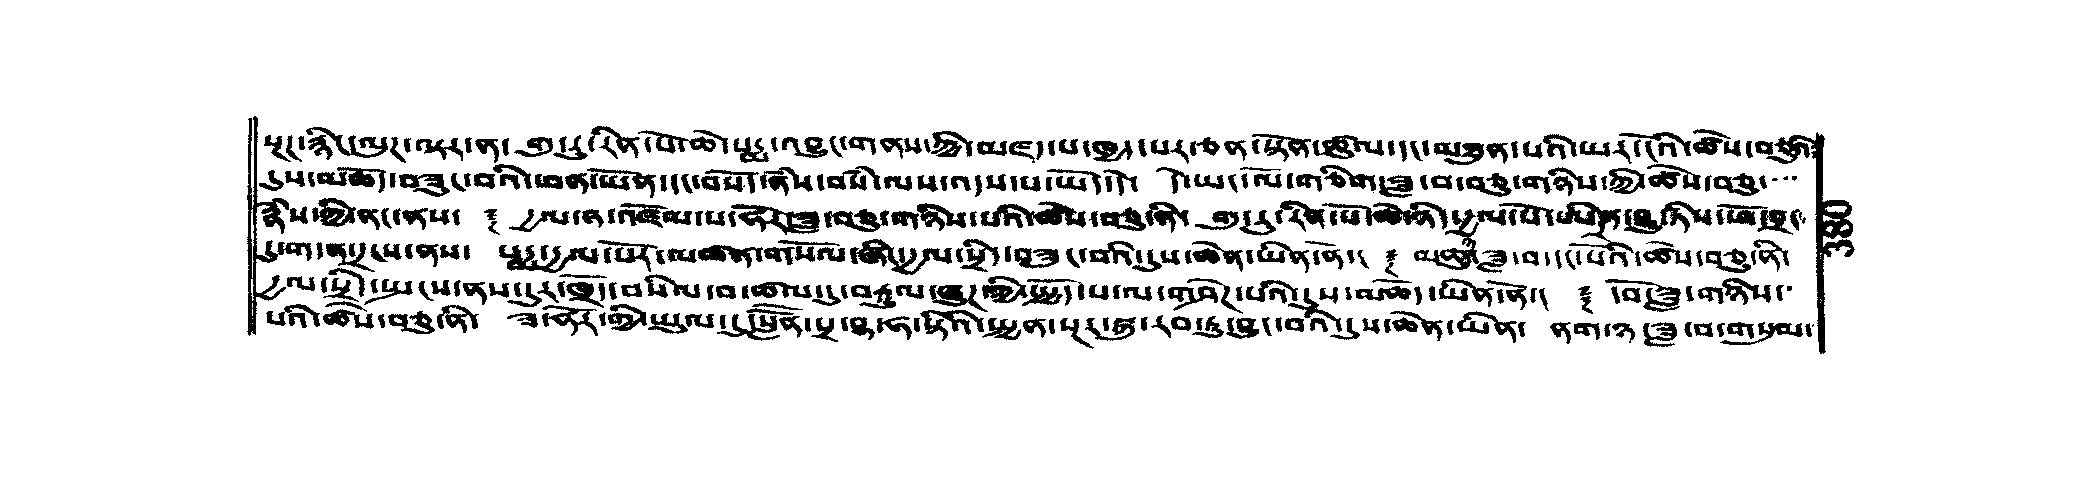སྔགས་རྙིང་ལུགས་ལྟར་ན། གུ་རུ་རིན་པོ་ཆེ་པདྨ་འབྱུང་གནས་ཀྱི་མཛད་པ་ཁྱད་པར་ཅན་སྟོན་ཚུལ་དང་མཐུན་པའི་ཡར་ངོའི་ཚེས་བཅུའི་
དུས་མཆོད་བཟུང་བའི་ཕན་ཡོན་དང་བསོད་ནམས་བསམ་ལས་འདས་པ་ཡོད་དེ། དེ་ཡང་ལོ་གཅིག་ཟླ་བ་བཅུ་གཉིས་ཀྱི་ཚེས་བཅུ་
རྣམས་ཀྱི་ནང་ནས། ༈ རྒྱལ་ནག་འཛོམ་པ་ཧོར་ཟླ་བཅུ་གཉིས་པའི་ཚེས་བཅུ་ནི། གུ་རུ་རིན་པོ་ཆེ་ཉིད་རྒྱལ་པོ་ཨིནྡྲ་བྷུ་ཏིས་ཕོ་བྲང་
དུ་གདན་དྲངས་ནས། པདྨ་རྒྱལ་པོར་མཚན་གསོལ་ཞིང་རྒྱལ་སྲིད་བཟུང་བའི་དུས་ཆེན་ཡིན་ནོ། ༈ མཆུ་ཉ་ཟླ་བ་དང་པོའི་ཚེས་བཅུ་ནི་
རྒྱལ་སྲིད་སྤངས་ནས་དུར་ཁྲོད་བསིལ་བ་ཚལ་དུ་བརྟུལ་ཞུགས་ཀྱི་སྤྱོད་པ་ལ་གཤེགས་པའི་དུས་མཆོད་ཡིན་ནོ། ༈ དབོ་ཟླ་གཉིས་
པའི་ཚེས་བཅུ་ནི། ཟ་ཧོར་གྱི་ཡུལ་དུ་སློབ་དཔོན་པྲ་བྷ་ཧསྟིའི་སྤྱན་སྔར་སྐུ་རབ་ཏུ་བྱུང་བའི་དུས་ཆེན་ཡིན། ནག་ཉ་ཟླ་བ་གསུམ་